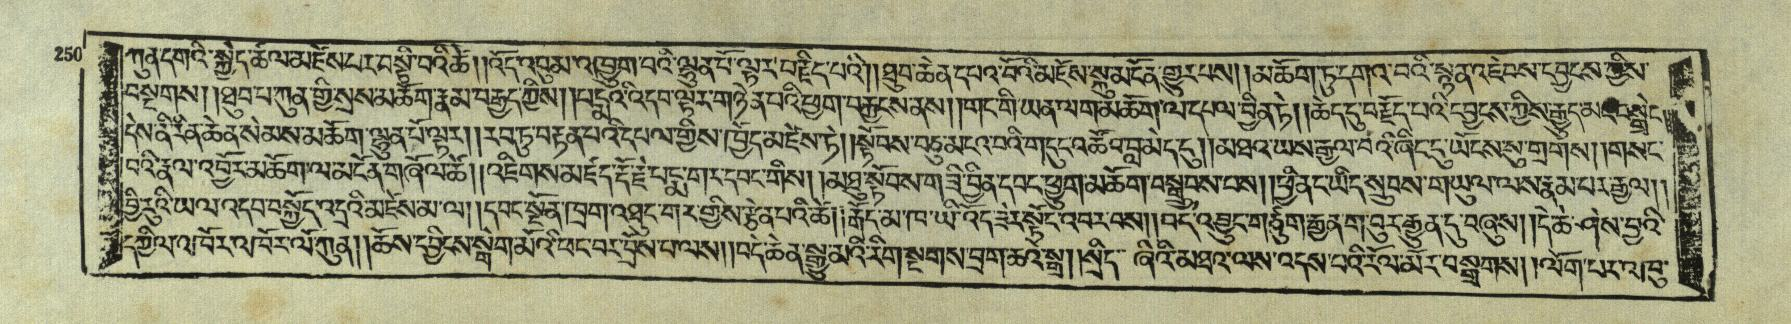ཀུན་དགའི་སྐྱེད་ཚལ་མཛེས་པར་བསྟི་བའི་ཚེ། །འོད་འབུམ་འཁྱུག་པའི་ལྷུན་པོ་ལྟར་བརྗིད་པའི། །ཐུབ་ཆེན་དཔའ་མཇོས་སྐུ་མངོན་གྱུར་པས། །མཆོག་ཏུ་དགའ་བའི་སྙན་འཇེབས་དབྱངས་ཀྱིས་
བསྔགས། །ཐུབ་པ་ཀུན་གྱི་སྲས་མཆོག་རྣམ་བརྒྱད་ཀྱིས། །པདམའི་འདབ་ལྟར་གཉེན་པའི་ཕྱག་བརྐྱངས་ནས། །གང་གི་ཡང་ལག་མཆོག་ལ་དཔལ་བྱིན་ཏེ། །ཆེད་དུ་བརྗོད་པའི་དབྱངས་ཀྱིས་རྒྱུད་མང་བསྒྲེང་།
དེས་ནི་རིན་ཆེན་སེམས་མཆོག་ལྷུན་པོ་ལྟར། །རབ་ཏུ་བརྟན་པའི་དཔལ་གྱིས་ཁྱོད་མཛེས་ཏེ། །སྟོབས་བཅུ་མངའ་བའི་གདུང་འཚོབ་བླ་མེད་དུ། །མཐའ་ཡས་རྒྱལ་བའི་ཞིང་དུ་ཡོངས་སུ་གྲགས། །གསང་
བའི་རྣལ་འབྱོར་མཆོག་ལ་མངོན་གཞོལ་ཚེ། །འཇིགས་མཛད་རྡོ་རྗེ་པདམ་གར་དབང་གིས། །མཐུ་སྟོབས་གཟི་བྱིན་དབང་ཕྱུག་མཆོག་བསྒྲུབས་པས། །ཕྱི་ནང་ཡིད་སྲུབས་གཡུལ་ལས་རྣམ་པར་རྒྱལ།།
བྱི་རུའི་ཡལ་འདབ་བསྐྱོད་འདྲའི་མཛེས་མ་ལ། །དབང་སྔོན་ཁྲག་འཐུང་གར་གྱིས་རྩེན་པའི་ཚེ། །རྒོད་མ་ཁ་ཡི་འོད་ཟེར་སྟོང་འབར་བས། །བད་འབྱུང་གཙུག་རྒྱན་ག་བུར་རྒྱུན་དུ་བཞུས། །དེ་ཆེ་ཤེས་བྱའི་
དཀྱིལ་འཁོར་འཁོར་ལོ་ཀུན། །ཆོས་དབྱིངས་སྒེག་མོའི་ཕང་བར་བྲོས་པ་ལས། །བདེ་ཆེན་སྒྱུ་མའི་རིག་སྔགས་བྲག་ཆའེ་སྒྲ། །སྲིད་ཞིའི་མཐའ་ལས་འདས་པའི་རོལ་མོར་བསྒྲགས། །ལོག་པར་འཁུ་